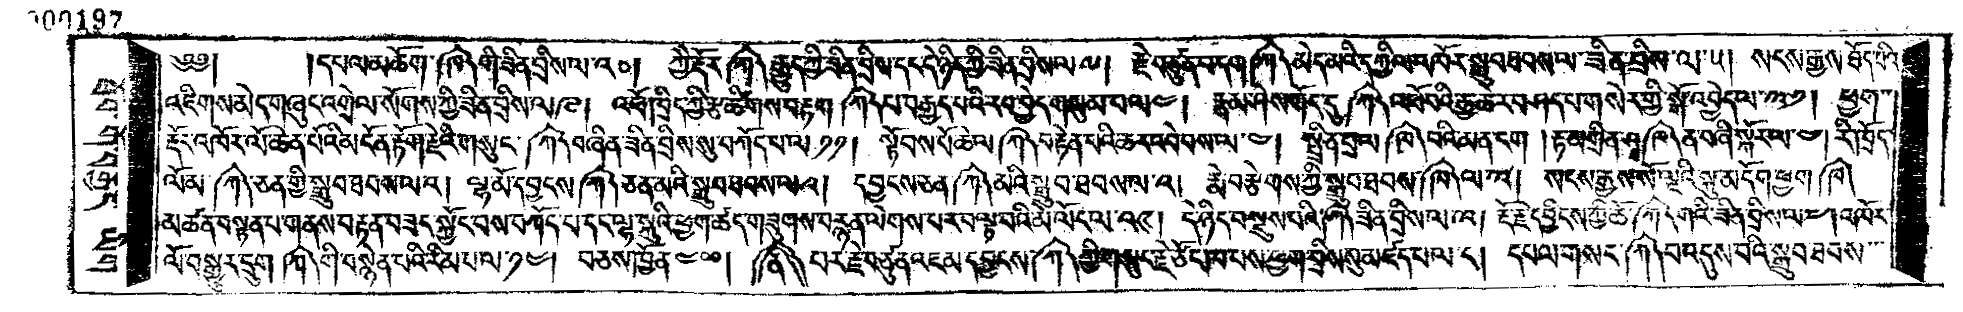༄༅། །དཔལ་མཆོག ༼ཁ༽ གི་ཟིན་བྲིས་ལ ༢༠། ཀྱཻ་རྡོར ༼ཀ༽ རྒྱུད་ཀྱི་ཟིན་བྲིས་དང་དེ་ཉིད་ཀྱི་ཟིན་བྲིས་ལ ༧། རྗེ་བཙུན་བདག ༼ཀ༽ མེད་མའི་དཀྱིལ་འཁོར་སྒྲུབ་ཐབས་ལ་ཟིན་བྲིས་ལ ༥། སངས་རྒྱས་ཐོད་པའི་
འཇིགས་མེད་གཞུང་འགྲེལ་སོགས་ཀྱི་ཟིན་བྲིས་ལ ༩། འཕོ་ཁྲིད་ཀྱི་རྩ་ཚིགས་བརྟག ༼ཀ༽ པ་བརྒྱད་པའི་རབ་བྱེད་གསུམ་པ་ལ ༤། རྣམ་ཤེས་གོང་དུ ༼ཀ༽ འཕོ་བའི་རྒྱ་ཆེར་བཤད་པ་གསེར་གྱི་སྒོ་འབྱེད་ལ ༣༡། ཕྱག་
རྡོར་འཁོར་ལོ་ཆེན་པོའི་མངོན་རྟོག་རྗེའི་གསུང ༼ཀ༽ བཞིན་ཟིན་བྲིས་སུ་བཀོད་པ་ལ ༡༡། སྟོབས་པོ་ཆེ་ལ ༼ཀ༽ བརྟེན་པའི་ཆར་འབེབས་ལ ༤། སྤྲིན་བྲལ ༼ཁ༽ པའི་མན་ངག །རྟ་མགྲིན་ཤྭ ༼ཁ༽ ན་བཞི་སྐོར་ལ ༤། རི་ཁྲོད་
ལོ་མ ༼ཀ༽ ཅན་གྱི་སྒྲུབ་ཐབས་ལ ༢། ལྷ་མོ་དབྱངས ༼ཀ༽ ཅན་མའི་སྒྲུབ་ཐབས་ལ ༢། དབྱངས་ཅན ༼ཀ༽ མའི་སྒྲུབ་ཐབས་ལ ༢། རྨེ་བརྩེགས་ཀྱི་སྒྲུབ་ཐབས ༼ཁ༽ ལ ༡༢། སངས་རྒྱས་སོ་ལྔའི་སྐུ་མདོག་ཕྱག ༼ཁ༽
མཚན་བསྟན་པ་གནས་བརྟན་བཟང་སྐྱོང་བས་བཀོད་པ་དང་ལྷ་སྐུའི་ཕྱག་ཚད་གཟུགས་བརྙན་ལེགས་པར་བལྟ་བའི་མེ་ལོང་ལ ༢༩། དེ་ཉིད་བསྡུས་པའི ༼ཀ༽ ཟིན་བྲིས་ལ ༣། རྡོ་རྗེ་དབྱིངས་ཀྱི་ཆོ ༼ཀ༽ གའི་ཟིན་བྲིས་ལ ༤། འཁོར་
ལོ་བསྒྱུར་དྲུག ༼ཀ༽ གི་བསྙེན་པའི་རིམ་པ་ལ ༡༤། བཅས་ཁྱོན ༤༠༠། ༼༽ན༼༽ པར་རྗེ་བཙུན་འཇམ་དབྱངས ༼ཀ༽ ཀྱི་གསུང་རྗེ་ཙོང་ཁ་པས་ཕྱག་བྲིས་སུ་མཛད་པ་ལ ༨། དཔལ་གསང ༼ཀ༽ བ་འདུས་པའི་སྒྲུབ་ཐབས་